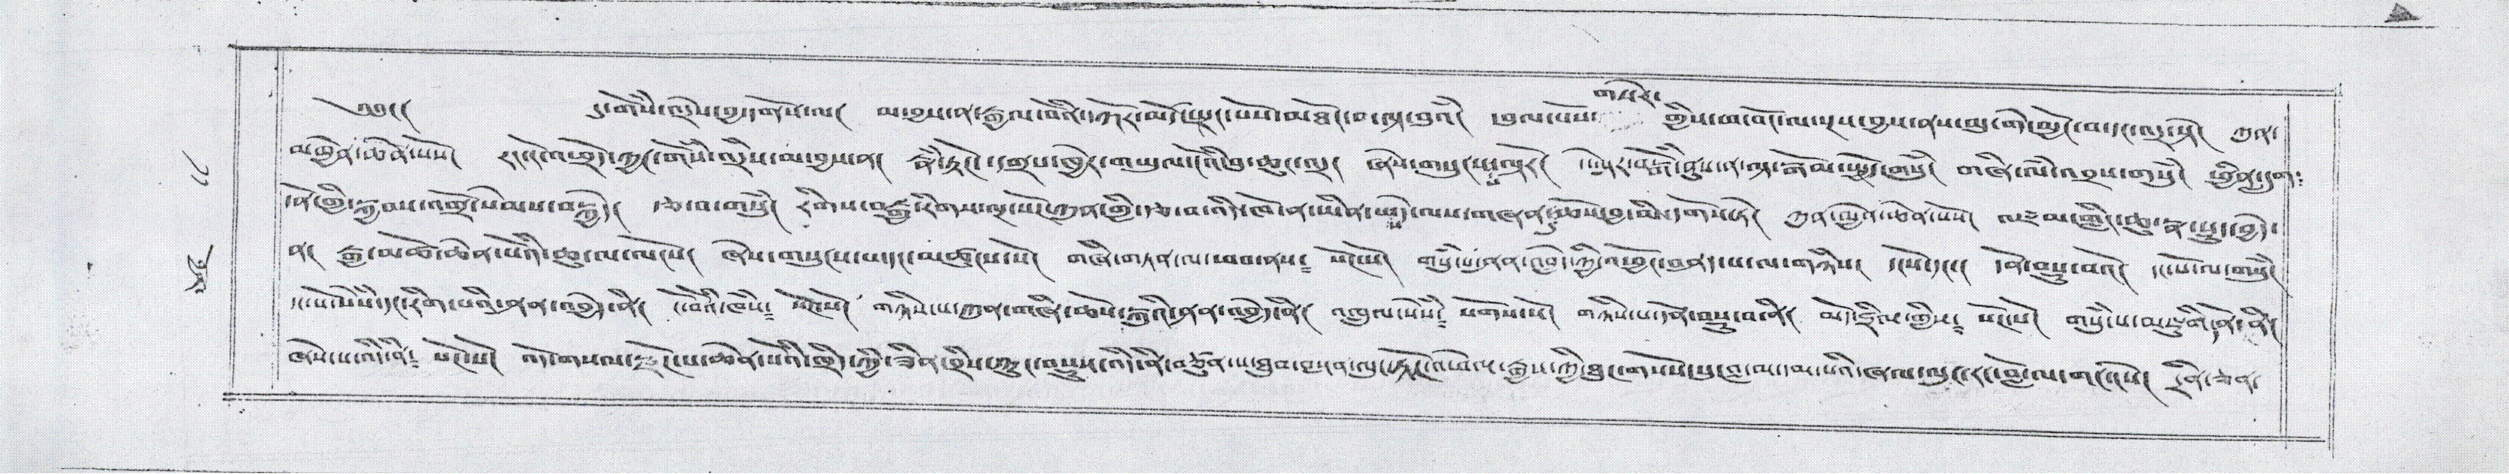གོམས་འདྲིས་བྱ་དགོས་ལ། མ་བྱས་ན་རྒྱལ་པོའི་དཀོར་མཛོད་སྤྲང་པོས་མཏོང་བ་ལྟ་བུའམ། དབུལ་པོས་གསེར་གྱི་ཕ་བོང་ལ་སྔས་བྱས་ནས་མུ་གེ་མྱོང་བ་དང་འདྲ་སྟེ། ཀུན་
མཁྱེན་ཆེན་པོས། རང་ངོ་འཕྲོད་ཀྱང་གོམས་འདྲིས་མ་བྱས་ན། རྣམ་རྟོག་དགྲས་ཁྱེར་གཡུལ་ངོའི་བུ་ཆུང་འདྲ། ཞེས་གསུངས་པ་ལྟར་རོ། དེ་ལྟར་བསྒོམ་ནུས་ན་ལྟ་སྒོམ་སྤྱོད་གསུམ། གཞི་ལམ་འབྲས་གསུམ། ཕྱིན་དྲུག 
དོན་གྱི་སྐྱབས་འགྲོ་སེམས་བསྐྱེད། རྩ་བ་གསུམ། རིགས་བརྒྱ་རིགས་ལྔ་སོགས་ཀུན་གྱི་རྩ་བ་འདི་ཁོ་ན་ཡིན་པས་དེ་ལས་གཞན་དུ་ཆོས་བྱ་མི་དགོས་ཏེ། ཀུན་མཁྱེན་ཆེན་པོས། འཛམ་གླིང་ཆུ་སྣ་སྡུད་བྱེད་
ན། །རྒྱ་མཚོ་ཆེན་པོའི་ཆུ་ལ་ལོངས། །ཞེས་གསུངས་པ་དང་མཚུངས་སོ། །གཞི་གཏན་ལ་ཕབ་ནས། སོགས་སོ། །གསུམ་པ་ཤན་འབྱེད་ཀྱི་འཕྱོང་བཤད་པ་ལ་གཉིས། དངོས་དང་། དོན་བསྡུ་བའོ། དང་པོ་ལ་གསུམ། 
དང་པོ་སེམས་དང་རིག་པའི་ཤན་འབྱེད་ནི། ངོ་བོའི་ཁམས་སོགས་སོ། གཉིས་པ་ཀུན་གཞི་ཆོས་སྐུའི་ཤན་འབྱེད་ནི། འཁྲུལ་སེམས་སོགས་སོ། གཉིས་པ་དོན་བསྡུ་བ་ནི། མདོ་ཧྲིལ་གྱིས་སོགས་སོ། གསུམ་པ་མཇུག་གི་དོན་ནི། 
ཞེས་པ་འདི་ནི་སོགས་སོ། འོད་གསལ་རྫོགས་པ་ཆེན་པོའི་ཁྲིད་ཀྱི་ཟིན་བྲིས་ཉུང་བསྡུས་འདི་ནི་བཙུན་པ་ཐུབ་བསྟན་ལུང་རྟོགས་འཕེལ་རྒྱས་ཀྱི་ཐུགས་གསོས་སུ་བླ་མ་དམ་པའི་ཞལ་ལུང་རང་བློ་ལ་གང་ངེས། དྲིན་ཅན་